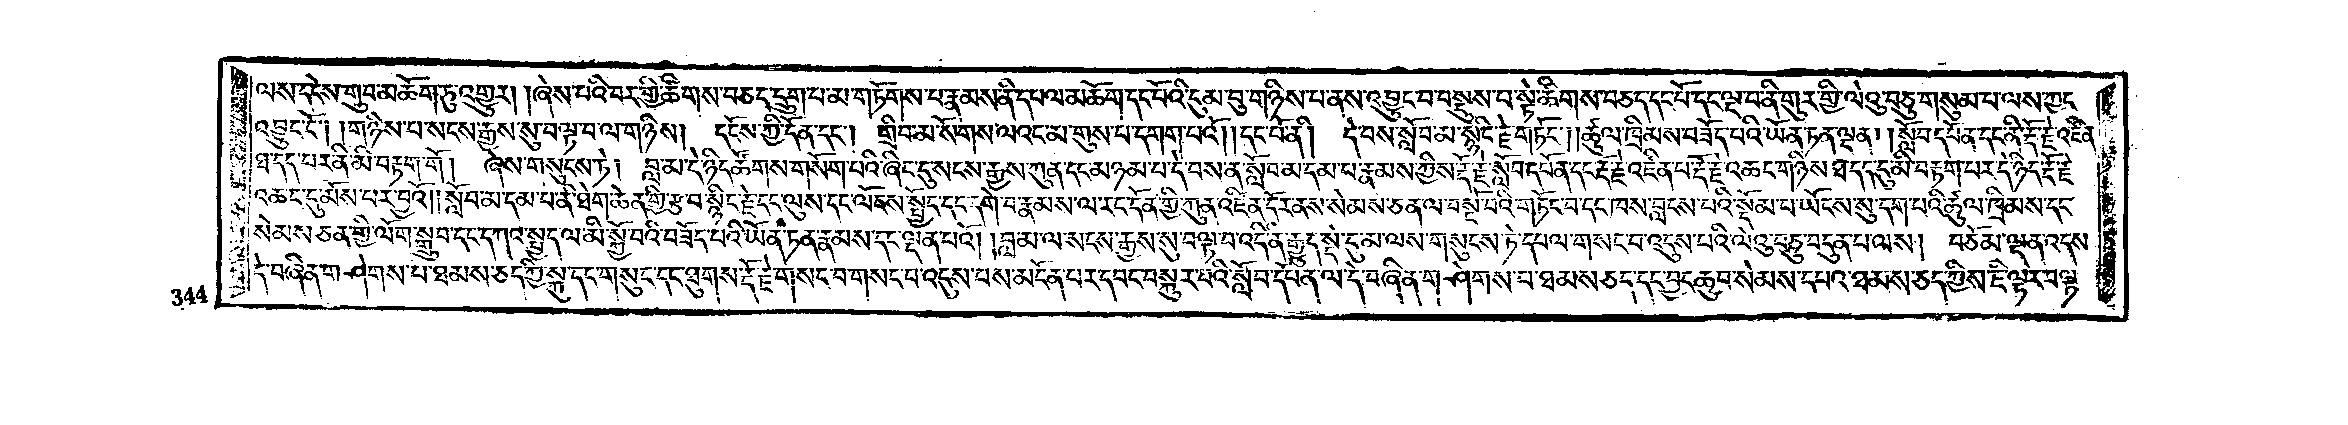ལས་དངེས་གྲུབ་མཆོག་ཏུ་འགྱུར། །ཞེས་པའི་བར་གྱི་ཚིགས་བཅད་དྲུག་པ་མ་གཏོགས་པ་རྣམས་ནི་དཔལ་མཆོག་དང་པོའི་དུམ་བུ་གཉིས་པ་ནས་འབྱུང་བ་བསྡུས་པ་སྟེ་ཚིགས་བཅད་དང་པོ་དང་ལྔ་པ་ནི་གུར་གྱི་ལེའུ་བཅུ་གསུམ་པ་ལས་ཀྱང་
འབྱུང་ངོ། །གཉིས་པ་སངས་རྒྱས་སུ་བལྟ་བ་ལ་གཉིས། དངོས་ཀྱི་དོན་དང་། གྲིབ་མ་སོགས་ལའང་མ་གུས་པ་དགག་པའོ། །དང་པོ་ནི། དེ་བས་སློབ་མ་སྙིང་རྗེ་གཏོང་། །ཚུལ་ཁྲིམས་བཟོད་པའི་ཡོན་ཏན་ལྡན། །སློབ་དཔོན་དང་ནི་རྡོ་རྗེ་འཛིན་
ཐ་དད་པར་ནི་མི་བརྟག་གོ །ཞེས་གསུངས་ཏེ། བླ་མ་དེ་ཉིད་ཚོགས་གསོག་པའི་ཞིང་དུ་སངས་རྒྱས་ཀུན་དང་མཉམ་པ་དེ་བས་ན་སློབ་མ་དམ་པ་རྣམས་ཀྱིས་རྡོ་རྗེ་སློབ་དཔོན་དང་རྡོ་རྗེ་འཛིན་པ་རྡོ་རྗེ་འཆང་གཉིས་ཐ་དད་དུ་མི་བརྟག་པར་དེ་ཉིད་རྡོ་རྗེ་
འཆང་དུ་མོས་པར་བྱའོ། །སློབ་མ་དམ་པ་ནི་ཐེག་ཆེན་གྱི་རྩ་བ་སྙིང་རྗེ་དང་ལུས་དང་ལོངས་སྤྱོད་དང་དགེ་བ་རྣམས་ལ་རང་དོན་གྱི་ཀུན་འཛིན་དོར་ནས་སེམས་ཅན་ལ་བསྔོ་བའི་གཏོང་བ་དང་ཁས་བླངས་པའི་སྡོམ་པ་ཡོངས་སུ་དག་པའི་ཚུལ་ཁྲིམས་དང་
སེམས་ཅན་གྱི་ལོག་སྒྲུབ་དང་དཀའ་སྤྱད་ལ་མི་སྐྱོ་བའི་བཟོད་པའི་ཡོན་ཏན་རྣམས་དང་ལྡན་པའོ། །བླ་མ་ལ་སངས་རྒྱས་སུ་བལྟ་བ་འདི་ནི་རྒྱུད་སྡེ་དུ་མ་ལས་གསུངས་ཏེ་དཔལ་གསང་བ་འདུས་པའི་ལེའུ་བཅུ་བདུན་པ་ལས། བཅོམ་ལྡན་འདས་
དེ་བཞིན་གཤེགས་པ་ཐམས་ཅད་ཀྱི་སྐུ་དང་གསུང་དང་ཐུགས་རྡོ་རྗེ་གསང་བ་གསང་བ་འདུས་པས་མངོན་པར་དབང་བསྐུར་པའི་སློབ་དཔོན་ལ་དེ་བཞིན་གཤེགས་པ་ཐམས་ཅད་དང་བྱང་ཆུབ་སེམས་དཔའ་ཐམས་ཅད་ཀྱིས་ཇི་ལྟར་བལྟ་